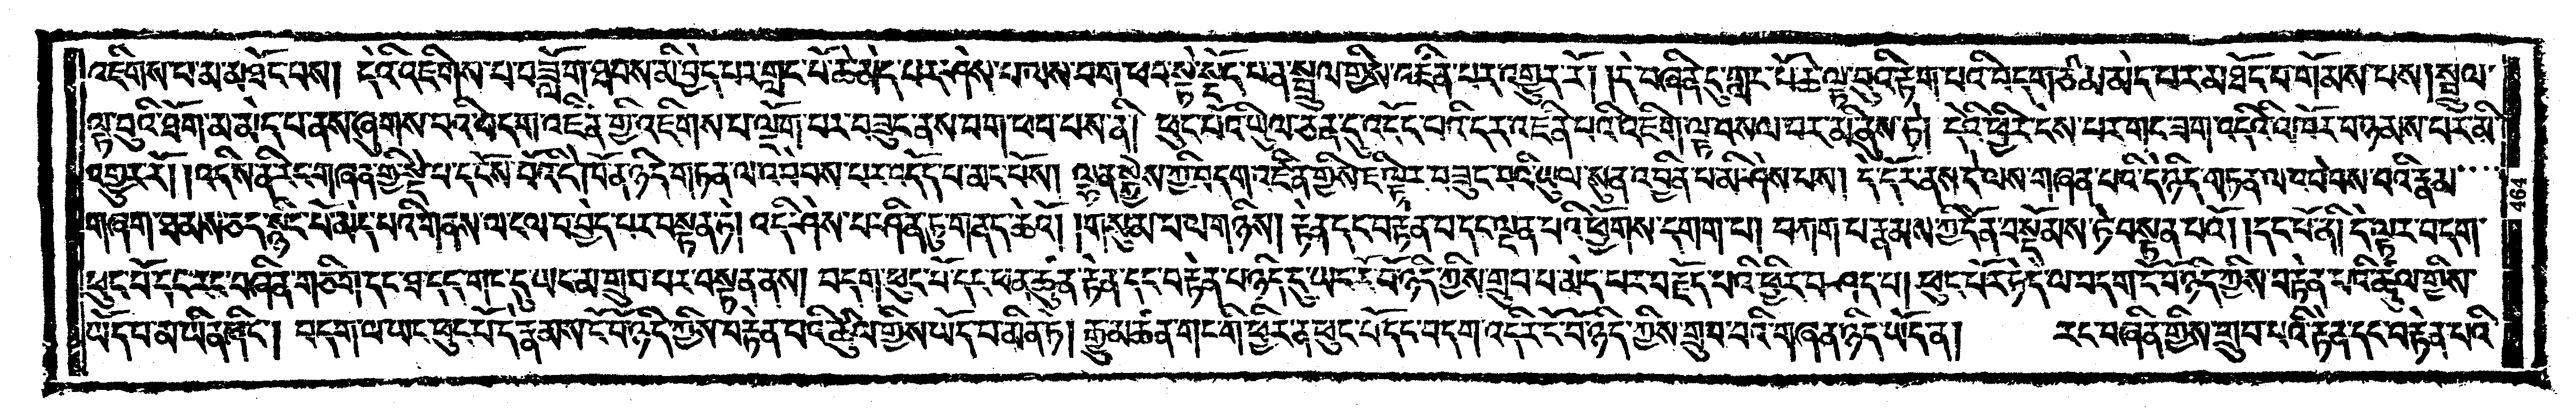འཇིགས་པ་མ་མཐོང་བས། དེའི་འཇིགས་པ་བཟློག་ཐབས་མི་བྱེད་པར་གླང་པོ་ཆེ་མེད་པར་ཤེས་པ་ལས་བག་ཕབ་སྟེ་སྡོད་པ་ན་སྦྲུལ་གྱིས་འཛིན་པར་འགྱུར་རོ། །དེ་བཞིན་དུ་གླང་པོ་ཆེ་ལྟ་བུའི་རྟག་པའི་བདག་ཙམ་མེད་པར་མཐོང་བ་གོམས་པས། སྦྲུལ་
ལྟ་བུའི་ཐོག་མ་མེད་པ་ནས་ཞུགས་པའི་བདག་འཛིན་གྱི་འཇིགས་པ་ལྡོག་པར་བཟུང་ནས་བག་ཕབ་པས་ནི། ཕུང་པོའི་ཡུལ་ཅན་དུ་འདོད་པའི་ངར་འཛིན་པའི་འཇིག་ལྟ་བསལ་བར་མི་ནུས་ཏེ། དེའི་ཕྱིར་ངེས་པར་གང་ཟག་འདིའི་འཁོར་བ་ཉམས་བར་མི་
འགྱུར་རོ། །འདིས་ནི་རང་གཞན་གྱི་སྡེ་པ་དངོས་པོའི་དེ་ཁོ་ན་ཉིད་གཏན་ལ་འབེབས་པར་འདོད་པ་མང་པོས། ལྷན་སྐྱེས་ཀྱི་བདག་འཛིན་གྱིས་ཇི་ལྟར་བཟུང་བའི་ཡུལ་སུན་འབྱིན་པ་མི་ཤེས་པས། དེ་དོར་ནས་དེ་ལས་གཞན་པའི་དེ་ཉིད་གཏན་ལ་འབེབས་པའི་རྣམ་
གཞག་ཐམས་ཅད་སྙིང་པོ་མེད་པའི་གནས་ལ་ངལ་བ་བྱེད་པར་བསྟན་ཏེ། འདི་ཤེས་པ་ཤིན་ཏུ་གནད་ཆེའོ། །གསུམ་པ་ལ་གཉིས། རྟེན་དང་བརྟེན་པ་དང་ལྡན་པའི་ཕྱོགས་དགག་པ། བཀག་པ་རྣམས་ཀྱི་དོན་བསྡོམས་ཏེ་བསྟན་པའོ། །དང་པོ་ནི། དེ་ལྟར་བདག་
ཕུང་པོ་དང་རང་བཞིན་གཅིག་དང་ཐ་དད་གང་དུ་ཡང་མ་གྲུབ་པར་བསྟན་ནས། བདག་ཕུང་པོ་དང་ཕན་ཚུན་རྟེན་དང་བརྟེན་པ་ཉིད་དུ་ཡང་ངོ་བོ་ཉིད་ཀྱིས་གྲུབ་པ་མེད་པར་བརྗོད་པའི་ཕྱིར་བཤད་པ། ཕུང་པོར་ཏེ་དེ་ལ་བདག་ངོ་བོ་ཉིད་ཀྱིས་བརྟེན་པའི་ཚུལ་གྱིས་
ཡོད་པ་མ་ཡིན་ཞིང་། བདག་ལ་ཡང་ཕུང་པོ་དེ་རྣམས་ངོ་བོ་ཉིད་ཀྱིས་བརྟེན་པའི་ཚུལ་གྱིས་ཡོད་པ་མིན་ཏེ། རྒྱུ་མཚན་གང་གི་ཕྱིར་ན་ཕུང་པོ་དང་བདག་འདིར་ངོ་བོ་ཉིད་ཀྱིས་གྲུབ་པའི་གཞན་ཉིད་ཡོད་ན། རང་བཞིན་གྱིས་གྲུབ་པའི་རྟེན་དང་བརྟེན་པའི་